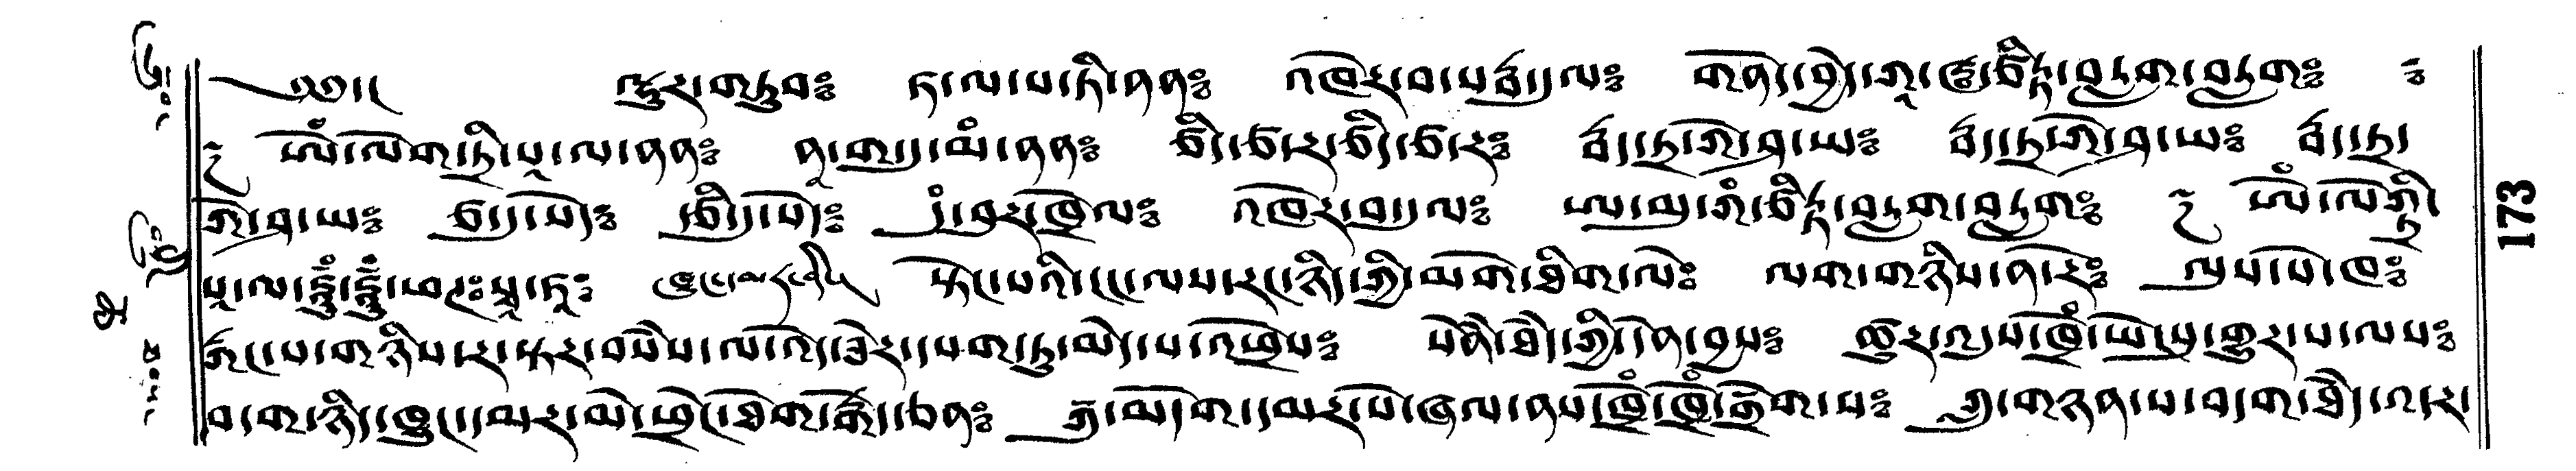ལྷུར་གཏུབ༔ ཧ་ལ་པ་ཏི་ནན༔ འཁོར་བ་སརྦ་དུལ༔ གནོད་བྱེད་ཀཱ་ཝ་ཙིཏྟ་རླག་རླག༔ 
༈ ཨོཾ་ལོག་ཏྲི་པཱ་ལ་ནན༔ ནཱ་ག་དུ་མཾ་ནན༔ ཙིད་ཙ་ར་ཙིད་ཙ་ར༔ རྦད་ཏྲ་ཀོ་ཤ་ཡ༔ རྦད་ཏྲ་ཀོ་ཤ་ཡ༔ རྦད་ཏྲ་
ཀོ་ཤ་ཡ༔ ཙ་དུ་སོད༔ རྩི་དུ་སོད༔ དུམ་བུམ་ཁྲོལ༔ འཁོར་བ་དུལ༔ ཨ་མུ་ཀཾ་ཙིཏྟ་བརླག་བརླག༔ ༈ ཨོཾ་ལོཀྟྲི་
པཱ་ལ་ཧཱུྃ་ཧཱུྃ་ཕཊཿསྭཱ་ཧཱ༔ ཁྱུང་དམར་ནི། སྟོང་པའི་ངང་ལས་རང་ཉིད་ཀྱི་མགོ་ཐིག་ལེཿ ལག་གཉིས་ན་རོ༔ ལུས་པོ་ཁ༔ 
རྐང་པ་གཉིས་ར་བཏགས་སུ་བསམ་ལ་འོད་ཟེར་དཔག་ཏུ་མེད་པ་འཕྲོས༔ སེམས་ཅན་ཐམས་ཅད་ཀྱི་དོན་བྱས༔ ཚུར་འདུས་ཁྲོམ་ཡོངས་སུ་གྱུར་པ་ལས༔ 
བདག་ཉིད་ཁྱུང་དམར་མེ་ཕྲེང་ཐོག་རྒོད་ཅན༔ སྐུ་མདོག་དམར་པོ་ཞལ་ནས་ཁྲོམ་ཁྲོམ་སྒྲོག་པ༔ ཀླུ་གཉན་ས་བདག་ཐམས་ཅད་འདར་